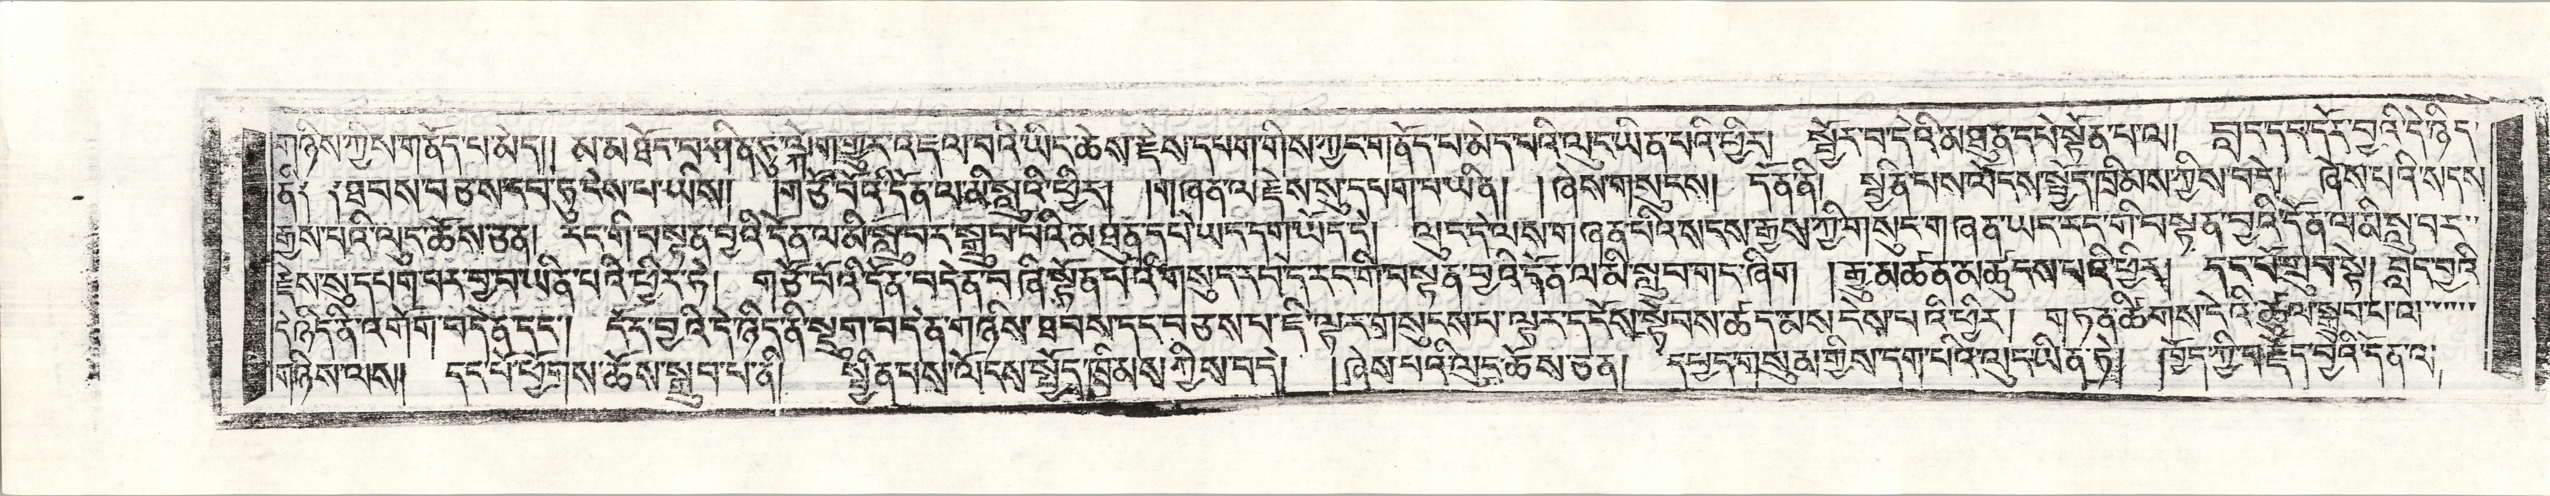གཉིས་ཀྱིས་གནོད་པ་མེད། །མ་མཐོང་བ་ཤིན་ཏུ་ལྐོག་གྱུར་འཇལ་བའི་ཡིད་ཆེས་རྗེས་དཔག་གིས་ཀྱང་གནོད་པ་མེད་པའི་ལུང་ཡིན་པའི་ཕྱིར། སྦྱོར་བ་དེའི་མཐུན་དཔེ་སྟོན་པ་ལ། བླང་དང་དོར་བྱའི་དེ་ཉིད་
ནི། །ཐབས་བཅས་རབ་ཏུ་ངེས་པ་ཡིས། །གཙོ་བོའི་དོན་ལ་མི་སླུའི་ཕྱིར། །གཞན་ལ་རྗེས་སུ་དཔག་པ་ཡིན། །ཞེས་གསུངས། དོན་ནི། སྦྱིན་པས་ལོངས་སྤྱོད་ཁྲིམས་ཀྱིས་བདེ། ཞེས་པའི་སངས་
རྒྱས་པའི་ལུང་ཆོས་ཅན། རང་གི་བསྟན་བྱའི་དོན་ལ་མི་སླུ་བར་སྒྲུབ་པའི་མཐུན་དཔེ་ཡང་དག་ཡོད་དེ། ལུང་དེ་ལས་གཞན་པའི་སངས་རྒྱས་ཀྱི་གསུང་གཞན་ཡང་རང་གི་བསྟན་བྱའི་དོན་ལ་མི་སླུ་བར་
རྗེས་སུ་དཔག་པར་བྱ་བ་ཡིན་པའི་ཕྱིར་ཏེ། གཙོ་བོའི་དོན་བདེན་བཞི་སྟོན་པའི་གསུང་རབ་དེ་རང་གི་བསྟན་བྱའི་དོན་ལ་མི་སླུ་བ་གང་ཞིག །རྒྱུ་མཚན་མཚུངས་པའི་ཕྱིར། དང་པོ་གྲུབ་སྟེ། བླང་བྱའི་
དེ་ཉིད་ནི་འགོག་བདེན་དང་། དོར་བྱའི་དེ་ཉིད་ནི་སྡུག་བདེན་གཉིས་ཐབས་དང་བཅས་པ་ཇི་ལྟར་གསུངས་པ་ལྟར་དངོས་སྟོབས་ཚད་མས་ངེས་པའི་ཕྱིར། གཏན་ཚིགས་དེའི་ཚུལ་སྒྲུབ་པ་ལ་
གཉིས་ལས། དང་པོ་ཕྱོགས་ཆོས་སྒྲུབ་པ་ནི། སྦྱིན་པས་ལོངས་སྤྱོད་ཁྲིམས་ཀྱིས་བདེ། །ཞེས་པའི་ལུང་ཆོས་ཅན། དཔྱད་གསུམ་གྱིས་དག་པའི་ལུང་ཡིན་ཏེ། ཁྱོད་ཀྱི་བརྗོད་བྱའི་དོན་ལ།